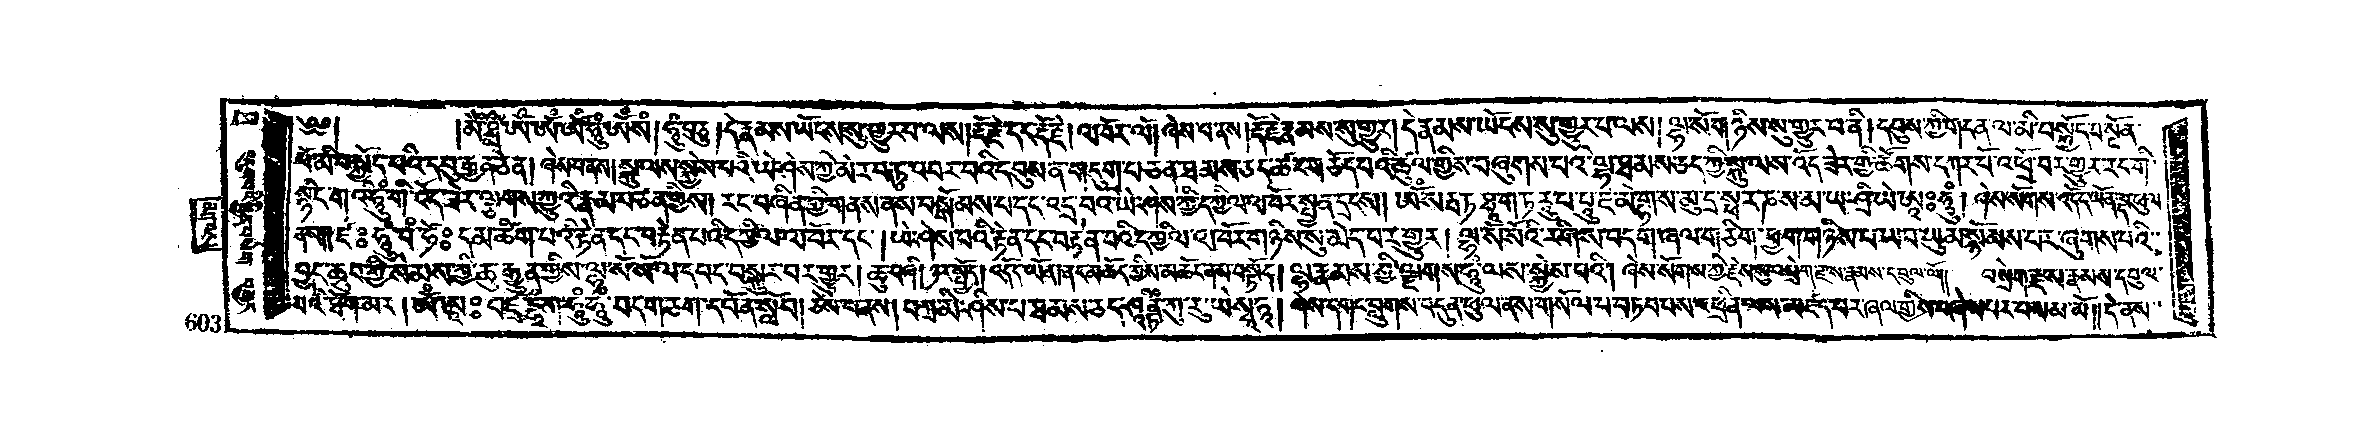༄༅། །མེཾ་ཐླཾཨ་ཨོཾ་ཨོཾ་ཨོཾ་ཧཱུཾ་ཨོཾ་སཾཨ། ཧཱུཾ་}་བཅུ་དེ་རྣམས་ཡོངས་སུ་གྱུར་པ་ལས། རྡོ་རྗེ་དང་རྡོ་རྗེ་འཁོར་ལོ། ཞེས་པ་ནས། རྡོ་རྗེ་རྣམས་སུ་གྱུར། དེ་རྣམས་ཡོངས་སུ་གྱུར་པ་ལས། ལྷ་སོ་གཉིས་སུ་གྱུར་པ་ནི། དབུས་ཀྱི་གདན་ལ་མི་བསྐྱེད་པ་སྔོན་
པོ་མི་བསྐྱེད་པའི་དབུ་རྒྱན་ཅན། ཞེས་པ་ནས། སྐུ་ལས་སྐྱེས་པའི་ཡེ་ཤེས་ཀྱི་མེ་རབ་ཏུ་འབར་བའི་དབུས་ན་གདུག་པ་ཅན་ཐམས་ཅད་ཚར་གཅོད་པའི་ཚུལ་གྱིས་བཞུགས་པའི་ལྷ་ཐམས་ཅད་ཀྱི་སྐུ་ལས་འོད་ཟེར་གྱི་ཚོགས་དཀར་པོ་འཕྲོ་བར་གྱུར་རང་གི་
སྙིང་གའི་ཧཱུཾ་གི་འོད་ཟེར་ལྕགས་ཀྱུའི་རྣམ་པ་ཅན་གྱིས། རང་བཞིན་གྱི་གནས་ནས་བསྒོམས་པ་དང་འདྲ་བའི་ཡེ་ཤེས་ཀྱི་དཀྱིལ་འཁོར་སྤྱན་དྲངས། ཨོཾ་སྲྦ་ཏ་ཐཱ་ག་ཏ་རཱུ་པ་པཱུ་ཛ་མེ་གྷ་ས་མུ་དྲ་སྥ་ར་ཎ་ས་མ་ཡ་ཤྲི་ཡེ་ཨཱཿ ཧཱུཾ། ཞེས་སོགས་འདོད་ཡོན་ལྔ་ཕུལ་
ནས། ཛཿ ཧཱུཾ་བཾ་ཧོཿ དམ་ཚིག་པའི་རྟེན་དང་བརྟེན་པའི་དཀྱིལ་འཁོར་དང་། ཡེ་ཤེས་པའི་རྟེན་དང་བརྟེན་པའི་དཀྱིལ་འཁོར་གཉིས་སུ་མེད་པར་གྱུར། ལྷ་སོ་སོའི་རིགས་བདག་ཞལ་གཅིག་ཕྱག་གཉིས་པ་ཡབ་ཡུམ་སྙོམས་པར་ཞུགས་པའི་
བྱང་ཆུབ་ཀྱི་སེམས་ཀྱི་ཆུ་རྒྱུན་གྱིས་ལྷ་སོ་སོ་ལ་དབང་བསྐུར་བར་གྱུར། ཆུ་བཞི། ཉེར་སྤྱོད། འདོད་ཡོན། ནང་མཆོད་ཀྱིས་མཆོད་ནམ་བསྟོད། ལྷ་རྣམས་ཀྱི་ལྗགས་ཧཱུཾ་ལས་སྐྱེས་པའི། ཞེས་སོགས་ཀྱི་རྗེས་སུ་བསྲེག་རྫས་རྣམས་དབུལ་ལོ།། །།བསྲེག་རྫས་རྣམས་དབུལ་
པའི་ཐོག་མར། {ཨོཾ་ཨཱཨཿ བྫར་དྷྲྀཀ་ཧཱུཾ་ཧཱུཾ་}་བདག་ཅག་དཔོན་སློབ། ཅེས་པ་ནས། བཀྲ་མི་ཤིས་པ་ཐྨས་ཅད་{ཤིནྟཾཨ་ཀུ་རུ་ཡེ་སVའ་ཧཱ། }་ཞེས་དགང་བླུགས་བདུན་ཕུལ་ནས་གསོལ་བ་བཏབས་པས་འཕྲིན་ལས་མཛད་པར་ཞལ་གྱིས་བཞེས་པར་བསམ་མོ། །དེ་ནས་